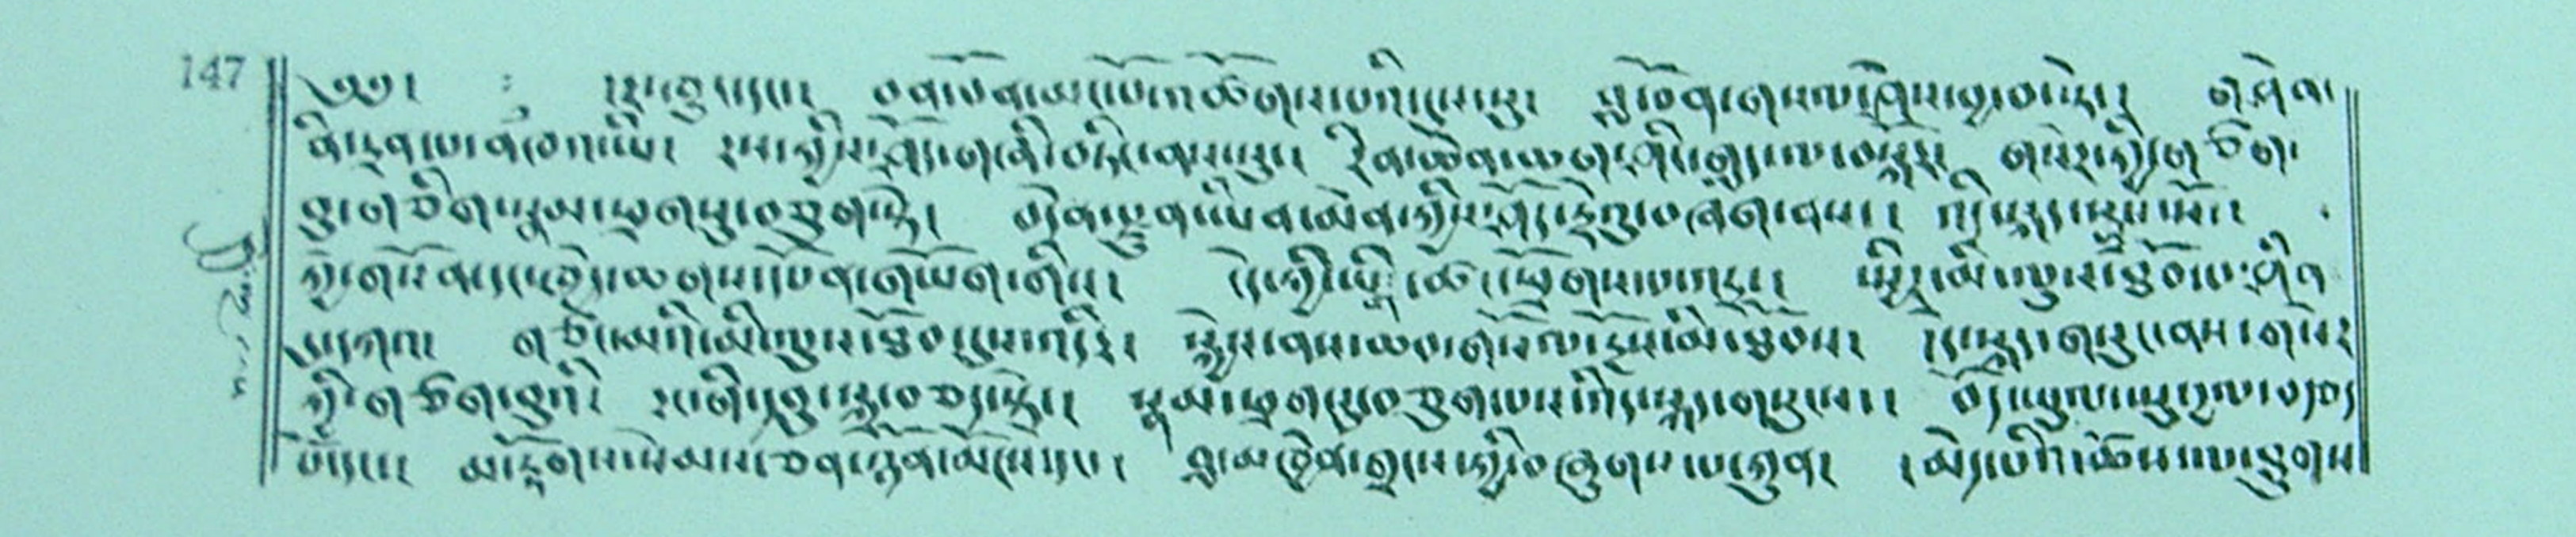༄༅། །ར་ཁྱུང་དང་། བན་བོན་མང་པོ་འཚོགས་པའི་དུས་སུ། བླ་བོན་གསལ་ཤེས་བྱ་བ་སྟེ། གཤེན་
པོ་དྲན་པ་ནམ་མཁའ་ཡིས། རས་ཀྱིས་ཤོད་གཞི་བཏིང་ནས་སུ། རིན་ཆེན་ཆག་ཤིང་ཀླད་ལ་བསྐོར། གསེར་གྱི་གཙག་
བུ་གཅིག་སྣམ་ཕྲགས་སུ་བཅུག་སྟེ། བདེན་རྫུན་ཡིན་མིན་གྱི་ཤོད་རྡེའུ་བཞག་ནས། འདི་སྐད་སྨྲས་སོ། །
ཀྱེ་གསོན་དང་ཁྱེད་ཅག་དཔོན་གཡོག་གིས། ངེད་ཀྱི་ཡིག་ཚང་ཕྲོགས་པ་འདྲ། སྤྱིར་མི་ལུས་ཐོབ་པ་ཤིན་
ཏུ་དཀའ། གཙང་མའི་མི་ལུས་ཐོབ་དུས་འདིར། སྐྱེས་ནས་ཆབ་གསོལ་དངོས་མི་ཐོབ། དེ་སྐད་གསུངས་ནས་གསེར་
གྱི་གཙག་བུ་ཡིས། རང་གི་དབུ་སྐྲ་བཅད་དེ། སྣམ་ཕྲགསུ་བཅུག་པས་འདི་སྐད་གསུངས། བོད་ཡུལ་སྤུ་རྒྱལ་གྱི་བཙད་
པོ་དང་། མ་རྟོགས་སེམས་ཅན་ཉོན་མོངས་དང་། བླ་མཁྱེན་གྲངས་ཀྱི་བཞུགས་པ་ཀུན། མེད་པའི་ཆོས་ལ་ཐུགས་